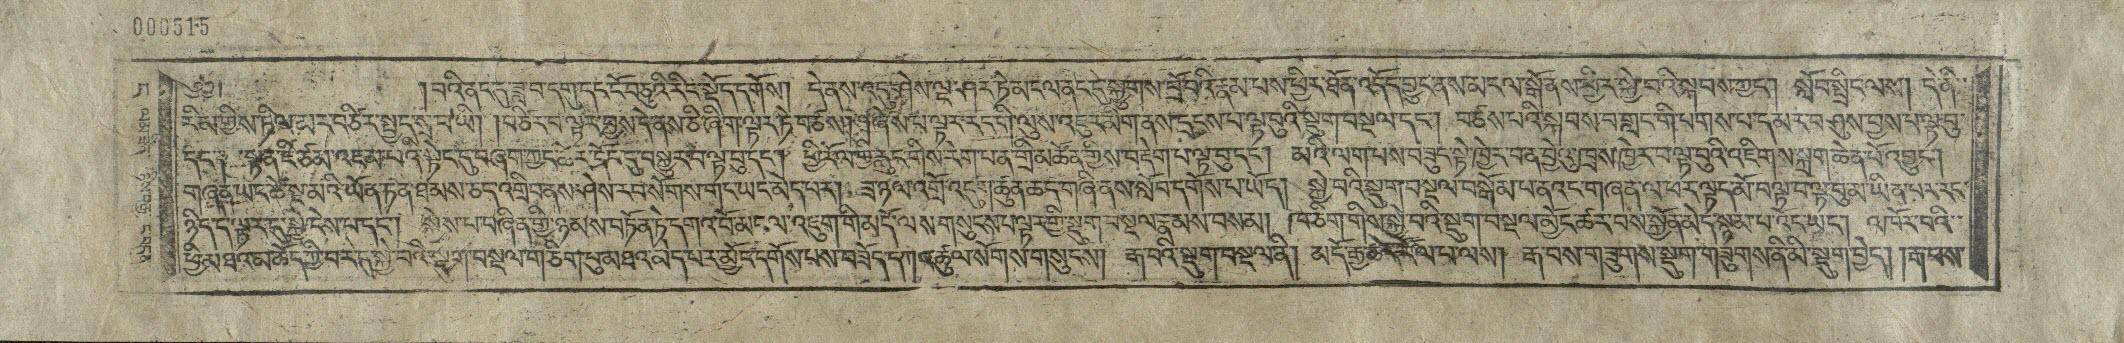༄༅། །བའི་ནང་དུ་ཟླ་བ་དགུ་དང་ངོ་བཅུའི་རིང་སྡོད་དགོས། དེ་ནས་འདུ་ཤེས་ལྔ་ཤར་ཏེ་མངལ་ནང་དུ་སྐྱུགས་བྲོ་བའི་རྣམ་པས་ཕྱིར་ཐོན་འདོད་བྱུང་ནས་མངལ་སྒོ་ནས་ཕྱིར་སྐྱེ་བའི་སྐབས་ཀྱང་། སློབ་སྤྲིང་ལས། དེ་ནི་
རིམ་གྱིས་ཏིལ་མར་བཙིར་སྤྱད་སྲ་བ་ཡི། །བཙིར་བ་ལྟར་བྱས་དེ་ནས་ཅི་ཞིག་ལྟར་ཏེ་བཙས། །ཞེས་པ་ལྟར་རང་གི་ལུས་འཇུར་མིག་ནས་དྲངས་པ་ལྟ་བུའི་སྡུག་བསྔལ་དང་། བཙས་པའི་སྐབས་བ་གླང་གི་པགས་པ་དམར་བཤུས་བྱས་པ་ལྟ་བུ་
དང༑ སྟན་ཇི་ཙམ་འཇམ་པའི་སྟེང་དུ་བཞག་ཀྱང་ཚེར་དོང་དུ་བསྐྱུར་བ་ལྟ་བུ་དང་། ཕྱི་རོལ་གྱི་རླུང་གིས་རེག་པ་ན་གྲི་མཚོན་གྱིས་བརྡེག་པ་ལྟ་བུ་དང་། མའི་ལག་པས་བཟུང་སྟེ་ཁྱེར་བ་ན་བྱེའུ་ཁྲས་ཁྱེར་བ་ལྟ་བུའི་འཇིགས་སྐྲག་ཆེན་པོ་འབྱུང་།
གཞན་ཡང་ཚེ་ལྔ་མའི་ཡོན་ཏན་ཐམས་ཅད་འགྲིབ་ནས་ཤེས་རབ་སོགས་གྱང་ཡང་མེད་པར། ཟ་ཉལ་འགྲོ་འདུག་ཚུན་ཆད་གཞི་ནས་སློབ་དགོས་པ་ཡོད། སྐྱེ་བའི་སྡུག་བསྔལ་བསྒོམ་པ་ནའང་གཞན་ལ་ཕར་ལྟད་མོ་བལྟ་བ་ལྟ་བུ་མ་ཡིན་པར་རང་
ཉིད་དེ་ལྟར་དུ་སྐྱེ་ངེས་པ་དང་། སྐྱེས་པ་བཞིན་གྱི་ཉམས་བཏོན་ཏེ་དགའ་བོ་མངལ་འཇུག་གི་མདོ་ལས་གསུངས་པ་ལྟར་གྱི་སྡུག་བསྔལ་རྣམས་བསམ། ཁ་ཅིག་གིས་སྐྱེ་བའི་སྡུག་བསྔལ་མྱོང་ཚར་བས་སྐྱོན་མེད་སྙམ་པ་འོང་ཡང་། འཁོར་བའི་
ཕྱི་མཐའ་མ་ཆོད་ཀྱི་བར་དུ་སྐྱེ་བའི་སྡུག་བསྔལ་གཅིག་པུ་མཐའ་མེད་པར་མྱོང་དགོས་པས་བཟོད་དཀའ་ཚུལ་སོགས་གསུངས། རྒ་བའི་སྡུག་བསྔལ་ནི། མདོ་རྒྱ་ཆེར་རོལ་པ་ལས། རྒ་བས་གཟུགས་སྡུག་གཟུགས་ནི་མི་སྡུག་བྱེད། །རྒ་བས་